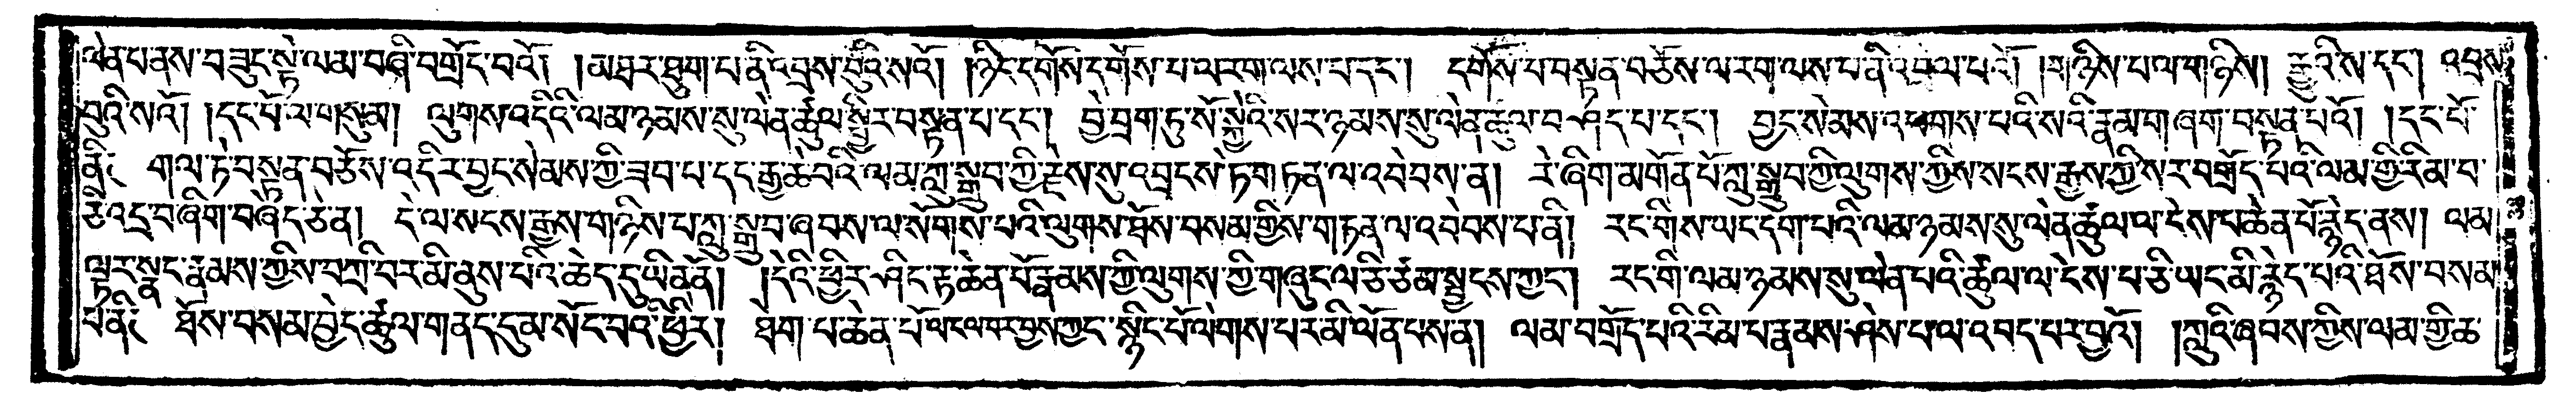ལེན་པ་ནས་བཟུང་སྟེ་ལམ་བཞི་བགྲོད་པའོ། །མཐར་ཐུག་པ་ནི་འབྲས་བུའི་སའོ། །ཉིང་དགོས་དགོས་པ་ལ་རག་ལས་པ་དང་། དགོས་པ་བསྟན་བཅོས་ལ་རག་ལས་པ་ནི་འབྲེལ་བའོ། །གཉིས་པ་ལ་གཉིས། རྒྱུའི་ས་དང་། འབྲས་
བུའི་སའོ། །དང་པོ་ལ་གསུམ། ལུགས་འདིའི་ལམ་ཉམས་སུ་ལེན་ཚུལ་སྤྱིར་བསྟན་པ་དང་། བྱེ་བྲག་ཏུ་སོ་སྐྱེའི་སར་ཉམས་སུ་ལེན་ཚུལ་བཤད་པ་དང་། བྱང་སེམས་འཕགས་པའི་སའི་རྣམ་གཞག་བསྟན་པའོ། །དང་པོ་
ནི༑ གལ་ཏེ་བསྟན་བཅོས་འདིར་བྱང་སེམས་ཀྱི་ཟབ་པ་དང་རྒྱ་ཆེ་བའི་ལམ་ཀླུ་སྒྲུབ་ཀྱི་རྗེས་སུ་འབྲངས་ཏེ་གཏན་ལ་འབེབས་ན། རེ་ཞིག་མགོན་པོ་ཀླུ་སྒྲུབ་ཀྱི་ལུགས་ཀྱིས་སངས་རྒྱས་ཀྱི་སར་བགྲོད་པའི་ལམ་གྱི་རིམ་པ་
ཅི་འདྲ་བ་ཞིག་བཞེད་ཅེ་ན། དེ་ལ་སངས་རྒྱས་གཉིས་པ་ཀླུ་སྒྲུབ་ཞབས་ལ་སོགས་པའི་ལུགས་ཐོས་བསམ་གྱིས་གཏན་ལ་འབེབས་པ་ནི། རང་གིས་ཡང་དག་པའི་ལམ་ཉམས་སུ་ལེན་ཚུལ་ལ་ངེས་པ་ཆེན་པོ་རྙེད་ནས། ལམ་
ལྟར་སྣང་རྣམས་ཀྱིས་བཀྲི་བར་མི་ནུས་པའི་ཆེད་དུ་ཡིན་ནོ། །དེའི་ཕྱིར་ཤིང་རྟ་ཆེན་པོ་རྣམས་ཀྱི་ལུགས་ཀྱི་གཞུང་ལ་ཅི་ཙམ་སྦྱངས་ཀྱང་། རང་གི་ལམ་ཉམས་སུ་ལེན་པའི་ཚུལ་ལ་ངེས་པ་ཅི་ཡང་མི་རྙེད་པའི་ཐོས་བསམ་
པ་ནི། ཐོས་བསམ་བྱེད་ཚུལ་གནད་དུ་མ་སོང་བའི་ཕྱིར། ཐེག་པ་ཆེན་པོ་ལ་ངལ་བར་བྱས་ཀྱང་སྙིང་པོ་ལེགས་པར་མི་ལོན་པས་ན། ལམ་བགྲོད་པའི་རིམ་པ་རྣམས་ཤེས་པ་ལ་འབད་པར་བྱའོ། །ཀླུའི་ཞབས་ཀྱིས་ལམ་གྱི་ཆ་